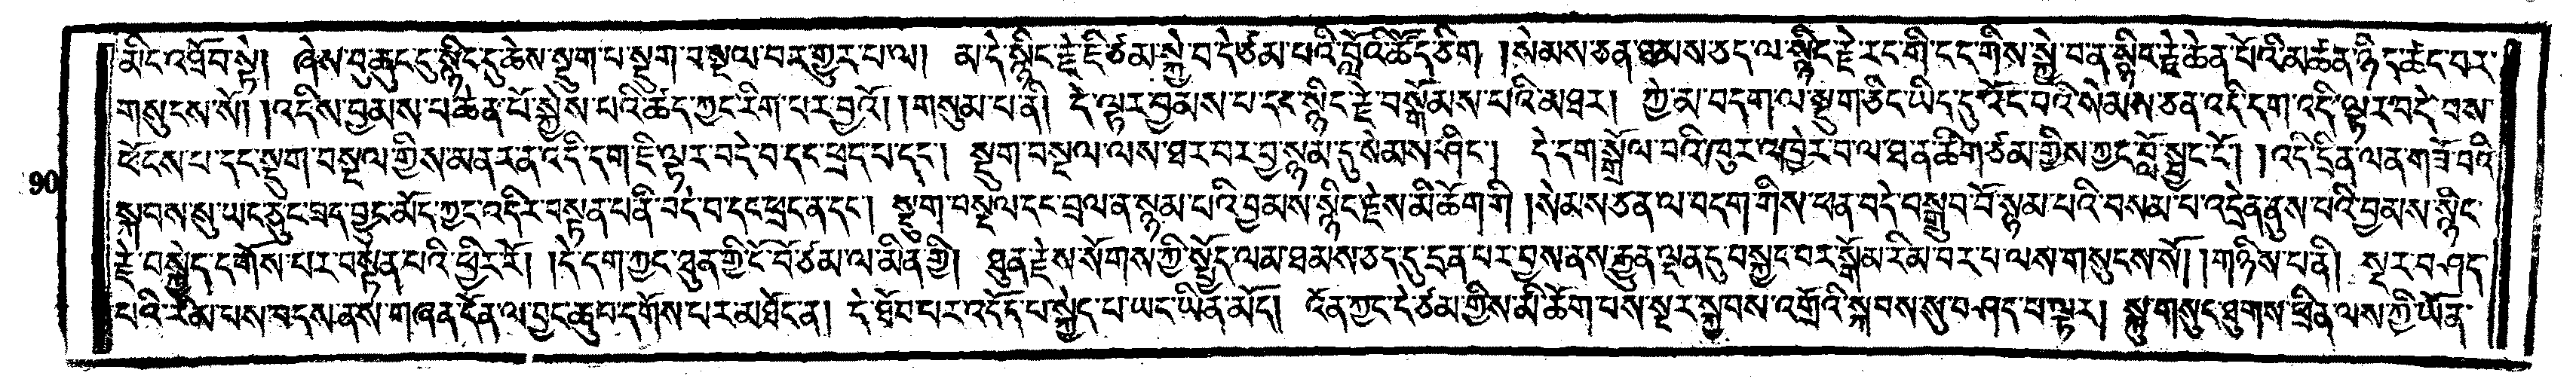མིང་འཐོབ་སྟེ། ཞེས་བུ་ཆུང་དུ་སྙིང་དུ་ཆེས་སྡུག་བསྔལ་བར་གྱུར་བ་ལ། མ་དེ་སྙིང་རྗེ་ཇི་ཙམ་སྐྱེ་བ་དེ་ཙམ་པའི་བློའི་ཚོད་ཅིག །སེམས་ཅན་ཐམས་ཅད་ལ་སྙིང་རྗེ་རང་གི་ངང་གིས་སྐྱེ་བ་ན་སྙིང་རྗེ་ཆེན་པོའི་མཚན་ཉིད་ཚང་བར་
གསུངས་སོ། །འདིས་བྱམས་པ་ཆེན་པོ་སྐྱེས་པའི་ཚད་ཀྱང་རིག་པར་བྱའོ། །གསུམ་པ་ནི། དེ་ལྟར་བྱམས་པ་དང་སྙིང་རྗེ་བསྒོམས་པའི་མཐར། ཀྱེ་མ་བདག་ལ་སྡུག་ཅིང་ཡིད་དུ་འོང་བའི་སེམས་ཅན་འདི་དག་འདི་ལྟར་བདེ་བས་
ཕོངས་པ་དང་སྡུག་བསྔལ་གྱིས་མནར་ན་འདི་དག་གི་ཇི་ལྟར་བདེ་བ་དང་ཕྲད་པ་དང་། སྡུག་བསྔལ་ལས་ཐར་བར་བྱ་སྙམ་དུ་སེམས་ཤིང་།དེ་དག་སྒྲོལ་བའི་ཁུར་འཁྱེར་བ་ལ་ཐ་ན་ཚིག་ཙམ་གྱིས་ཀྱང་བློ་སྦྱང་ངོ། །འདི་དྲིན་ལན་གཟོ་བའི་
སྐབས་སུ་ཡང་ཅུང་ཟད་བྱུང་མོད་ཀྱང་འདིར་བསྟན་པ་ནི་བདེ་བ་དང་ཕྲད་ན་དང་། སྡུག་བསྔལ་དང་བྲལ་ན་སྙམ་པའི་བྱམས་སྙིང་རྗེས་མི་ཆོག་གི །སེམས་ཅན་ལ་བདག་གིས་ཕན་བདེ་བསྒྲུབ་བོ་སྟམ་པའི་བསམ་པ་འདྲེན་ནུས་པའི་བྱམས་སྙིང་
རྗེ་བསྐྱེད་དགོས་པར་བསྟན་པའི་ཕྱིར་རོ། །དེ་དག་ཀྱང་ཐུན་གྱི་ངོ་བོ་ཙམ་ལ་མིན་གྱི། ཐུན་རྗེས་སོགས་ཀྱི་སྤྱོད་ལམ་ཐམས་ཅད་དུ་དྲན་པར་བྱས་ནས་རྒྱུན་ལྡན་དུ་བསྐྱང་བར་སྒོམ་རིམ་བར་པ་ལས་གསུངས་སོ། །གཉིས་པ་ནི། སྔར་བཤད་
པའི་རིམ་པས་བདས་ནས་གཞན་དོན་ལ་བྱང་ཆུབ་དགོས་པར་མཐོང་ན། དེ་ཐོབ་པར་འདོད་པ་སྐྱེད་པ་ཡང་ཡིན་མོད། འོན་ཀྱང་དེ་ཙམ་གྱིས་མི་ཆོག་པས་སྔར་སྐྱབས་འགྲོའི་སྐབས་སུ་བཤད་པ་ལྟར། སྐུ་གསུང་ཐུགས་ཕྲིན་ལས་ཀྱི་ཡོན་